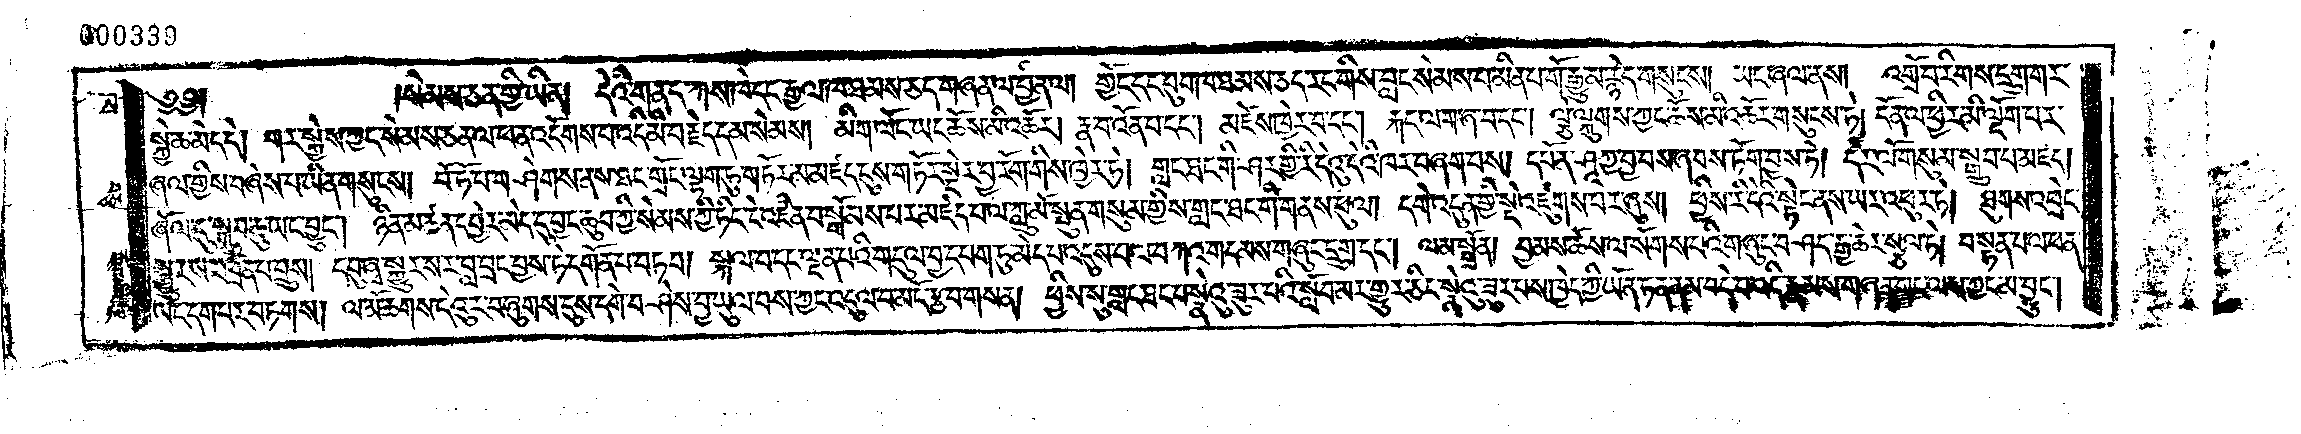༄༅། །སེམས་ཅན་གྱི་ཡིན། དེའི་གནད་ཀས་ཁེ་དང་རྒྱལ་ཁ་ཐམས་ཅད་གཞན་ལ་བྱིན་ལ། གྱོང་དང་བུབ་ཁ་ཐམས་ཅད་རང་གིས་བླང་སེམས་པ་མིན་པ་གོ་རྒྱུ་མ་རྙེད་གསུངས། ཡང་ཞལ་ནས། འགྲོ་བ་རིགས་དྲུག་གར་
སྐྱེ་ཆ་མེད་དེ། གར་སྐྱེས་ཀྱང་སེམས་ཅན་ལ་ཕན་འདོགས་པ་འདི་མི་བརྗེད་དམ་སེམས། མིག་ལོང་ཡང་ཆོས་མི་འཆོར། རྣ་བ་འོན་པ་དང་། མཛེས་ཁྱེར་བ་དང་། རྐང་ལག་ཞ་བ་དང་། ལྕེ་ལྐུགས་ཀྱང་ཆོས་མི་འཆོར་གསུངས་ཏེ། དོན་ལ་ཕྱིར་མི་ལྡོག་པར་
ཞལ་གྱིས་བཞེས་པ་ཡིན་གསུངས། པོ་ཏོ་བ་གཤེགས་ནས་ཐང་གྲོང་ལྟག་ཏུ་གཏོར་མ་མཛད་དུས་གཏོར་སྔེར་བྱ་རོག་གིས་ཁྱེར་ཏེ། གླང་ཐང་གི་ཤར་གྱི་རི་དེའུ་དེའི་ཁར་བཞག་པས། དཔོན་ཤཱཀྱ་བྱ་བས་ཞབས་ཏོག་བྱས་ཏེ། དེར་ལོ་གསུམ་སྒྲུབ་པ་མཛད།
ཞོལ་དུ་སྒྲུབ་ཆུ་ཡང་བྱུང་། ཉིན་མཚན་དབྱེར་མེད་དུ་བྱང་ཆུབ་ཀྱི་སེམས་ཀྱི་ཏིང་ངེ་འཛིན་བསྒོམས་པར་མཛད་པ་ལ་ཀླུ་མོ་སྤུན་གསུམ་གྱིས་གླང་ཐང་གི་གནས་ཕུལ། དགེ་འདུན་གྱི་སྡེ་འཛུགས་པར་ཞུས། ཕྱིས་རི་དེའི་སྟེང་ནས་ཡར་འཕུར་ཏེ། ཐུགས་འཕྲེང་
སྐྱུར་སར་ཁྲོན་པ་བྲུས། དབུ་ཞྭ་སྐྱུར་སར་བླ་བྲང་བྱས་ཏེ་དགོན་པ་བཏབ། སྐལ་བ་དང་ལྡན་པའི་གདུལ་བྱ་དཔག་ཏུ་མེད་པ་འདུས་པ་ལ་བཀའ་གདམས་གཞུང་དྲུག་དང་། ལམ་སྒྲོན། བྱམས་ཆོས་ལ་སོགས་པའི་གཞུང་བཤད་རྒྱ་ཆེར་སྩལ་ཏེ། བསྟན་པ་ལ་ཕན་
ཡང་དག་པར་བཏགས། ལ་མོ་ཆགས་དེའུར་བཞུགས་དུས་དགེ་བཤེས་བྱ་ཡུལ་བས་ཀྱང་འདུལ་བ་མདོ་རྩ་བ་གསན། ཕྱིས་སུ་གླང་ཐང་བསྣེའུ་ཟུར་བའི་སློབ་མར་གྱུར་ཅིང་སྣེའུ་ཟུར་པས་ཁྱེད་ཀྱི་ཡོན་ཏན་ནམ་བདེ་བ་འདི་རྣམས་གཞན་གང་ལས་ཀྱང་མ་བྱུང་།